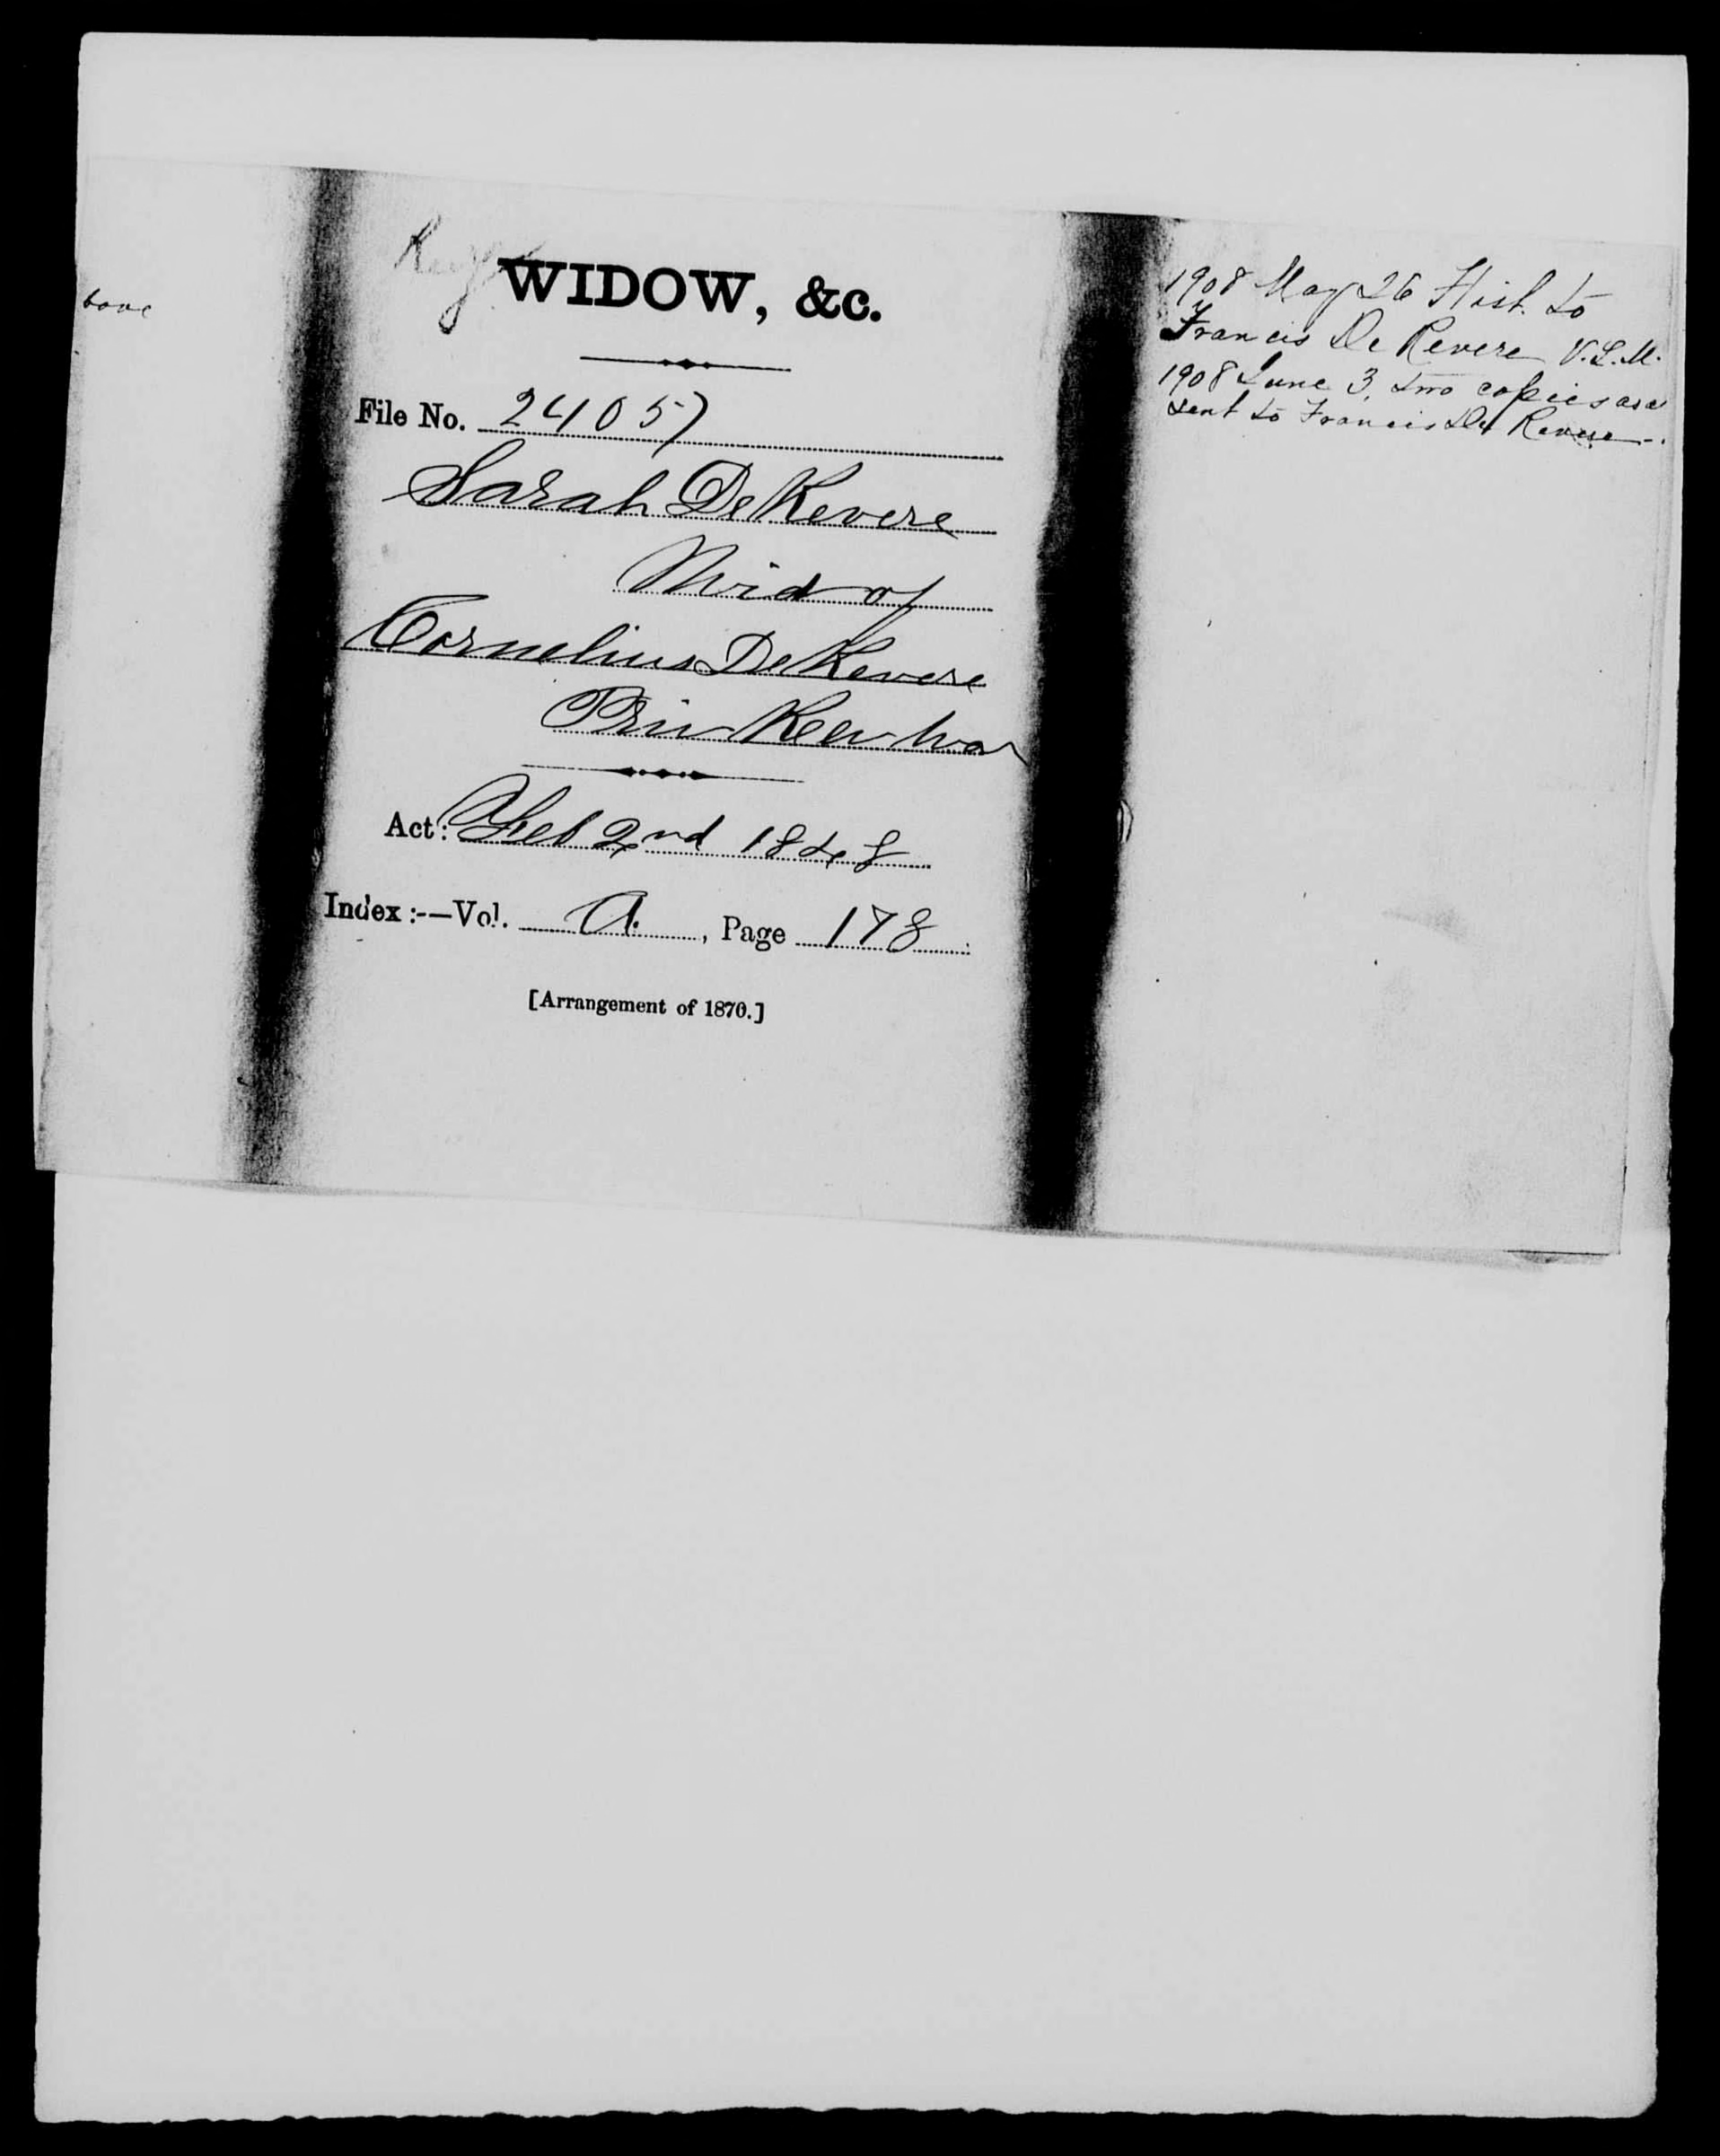[Left side of page]
Revy
WIDOW, &c.
File No. 24057
Sarah De Revere
Wid of Cornelius De Revere
Priv Rev War
Act Feb 2nd 1848
Index: -- Vol. A, Page 178.
(Arrangement of 1870.)

[Right side of page]
1908 May 26 Hist to Francis De Revere V.L.M.
1908 June 3, Two copies are sent to Francis De Revere.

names: Francis De Revere, Francis De Revere, Sarah De Revere, Cornelius De Revere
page: 13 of 40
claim: widow's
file: W. 24057, Cornelius De Revere, New York